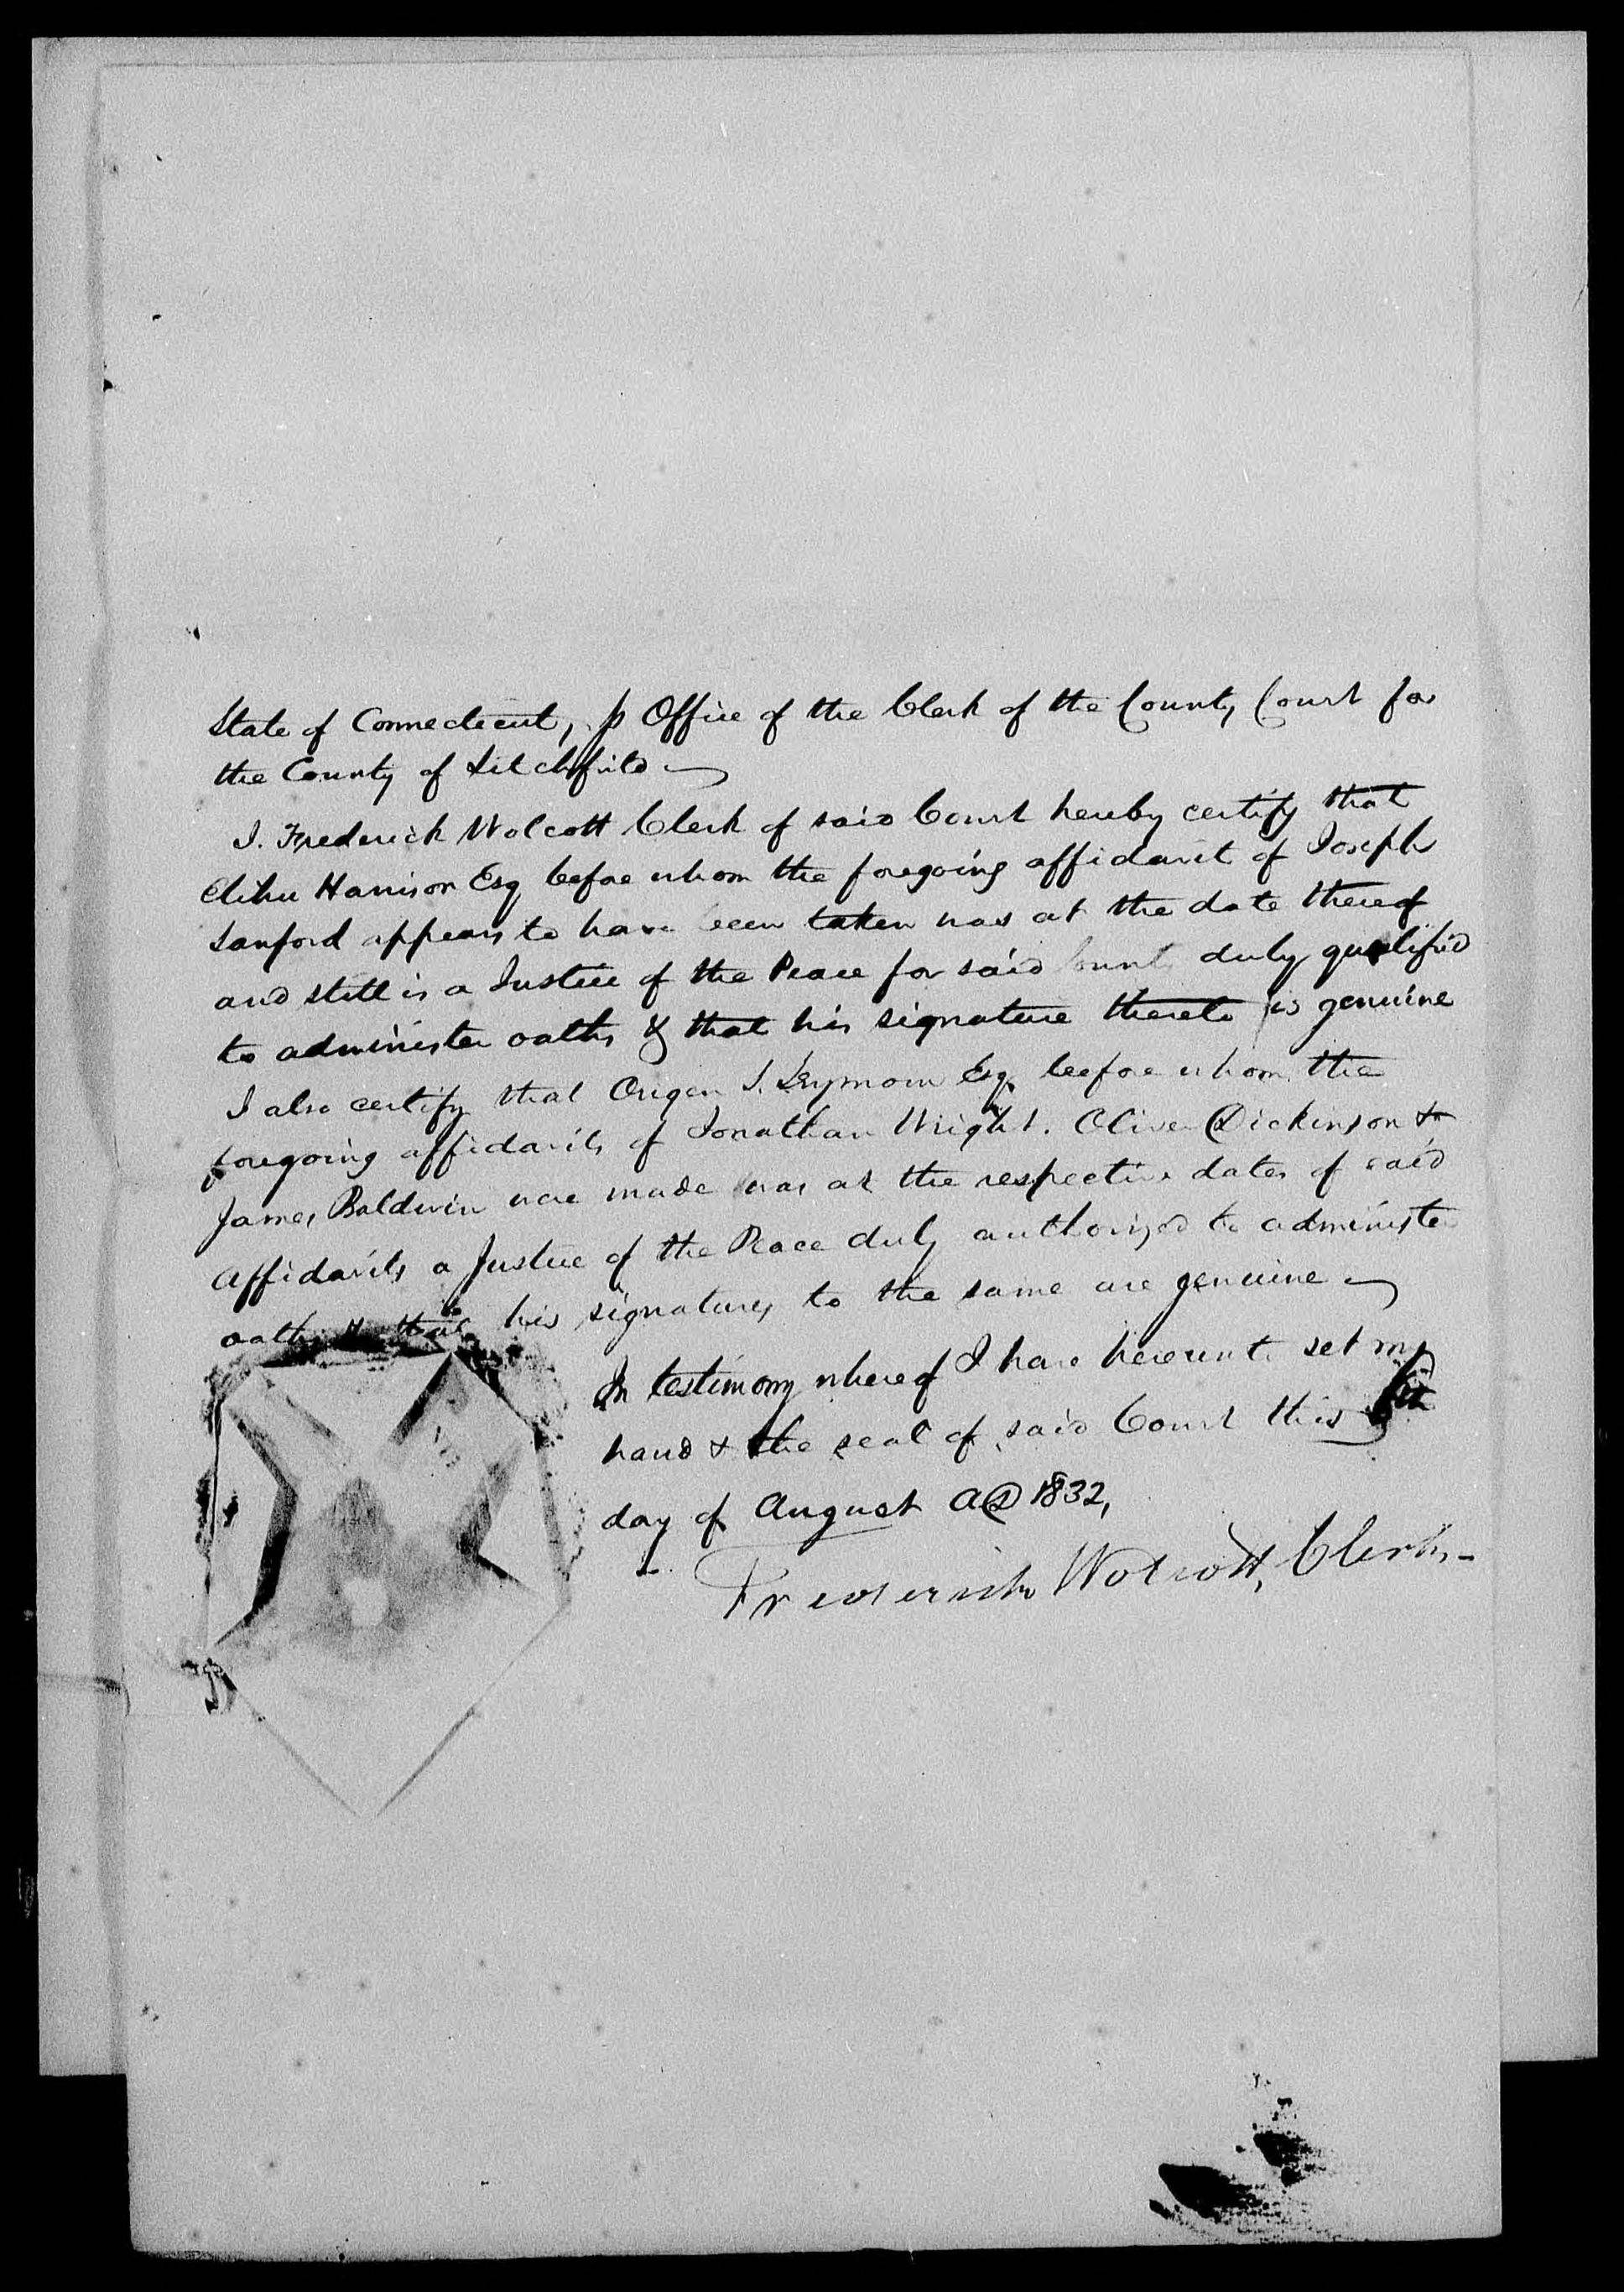State of Connecticut, ss Office of the Clerk of the County Court for the County of Litchfield
I Frederich Wolcott Clerk of said Court hereby certify that Elihu Harrison Esq. before whom the foregoing affidavit of Joseph Sanford appears to have been taken, was at the date thereof and still is a Justice of the Peace for said County duly qualified to administer oath & that his signature thereto is genuine. I also certify that Origen S. Seymour Esq. before whom the foregoing affidavits of Jonathan Wright, Oliver Dickinson & James Baldwin were made were at the respective dates of said affidavits, a Justice of the Peace duly authorized to administer as (illegible) his signature to the same are genuine.
In testimony whereof I have hereunto set my hand & the seal of said Court this (illegible) day of August A D 1832, Frederick Wolcott, Clerk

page: 11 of 16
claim: survivor's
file: S. 17722, for Elisha Taylor, Connecticut